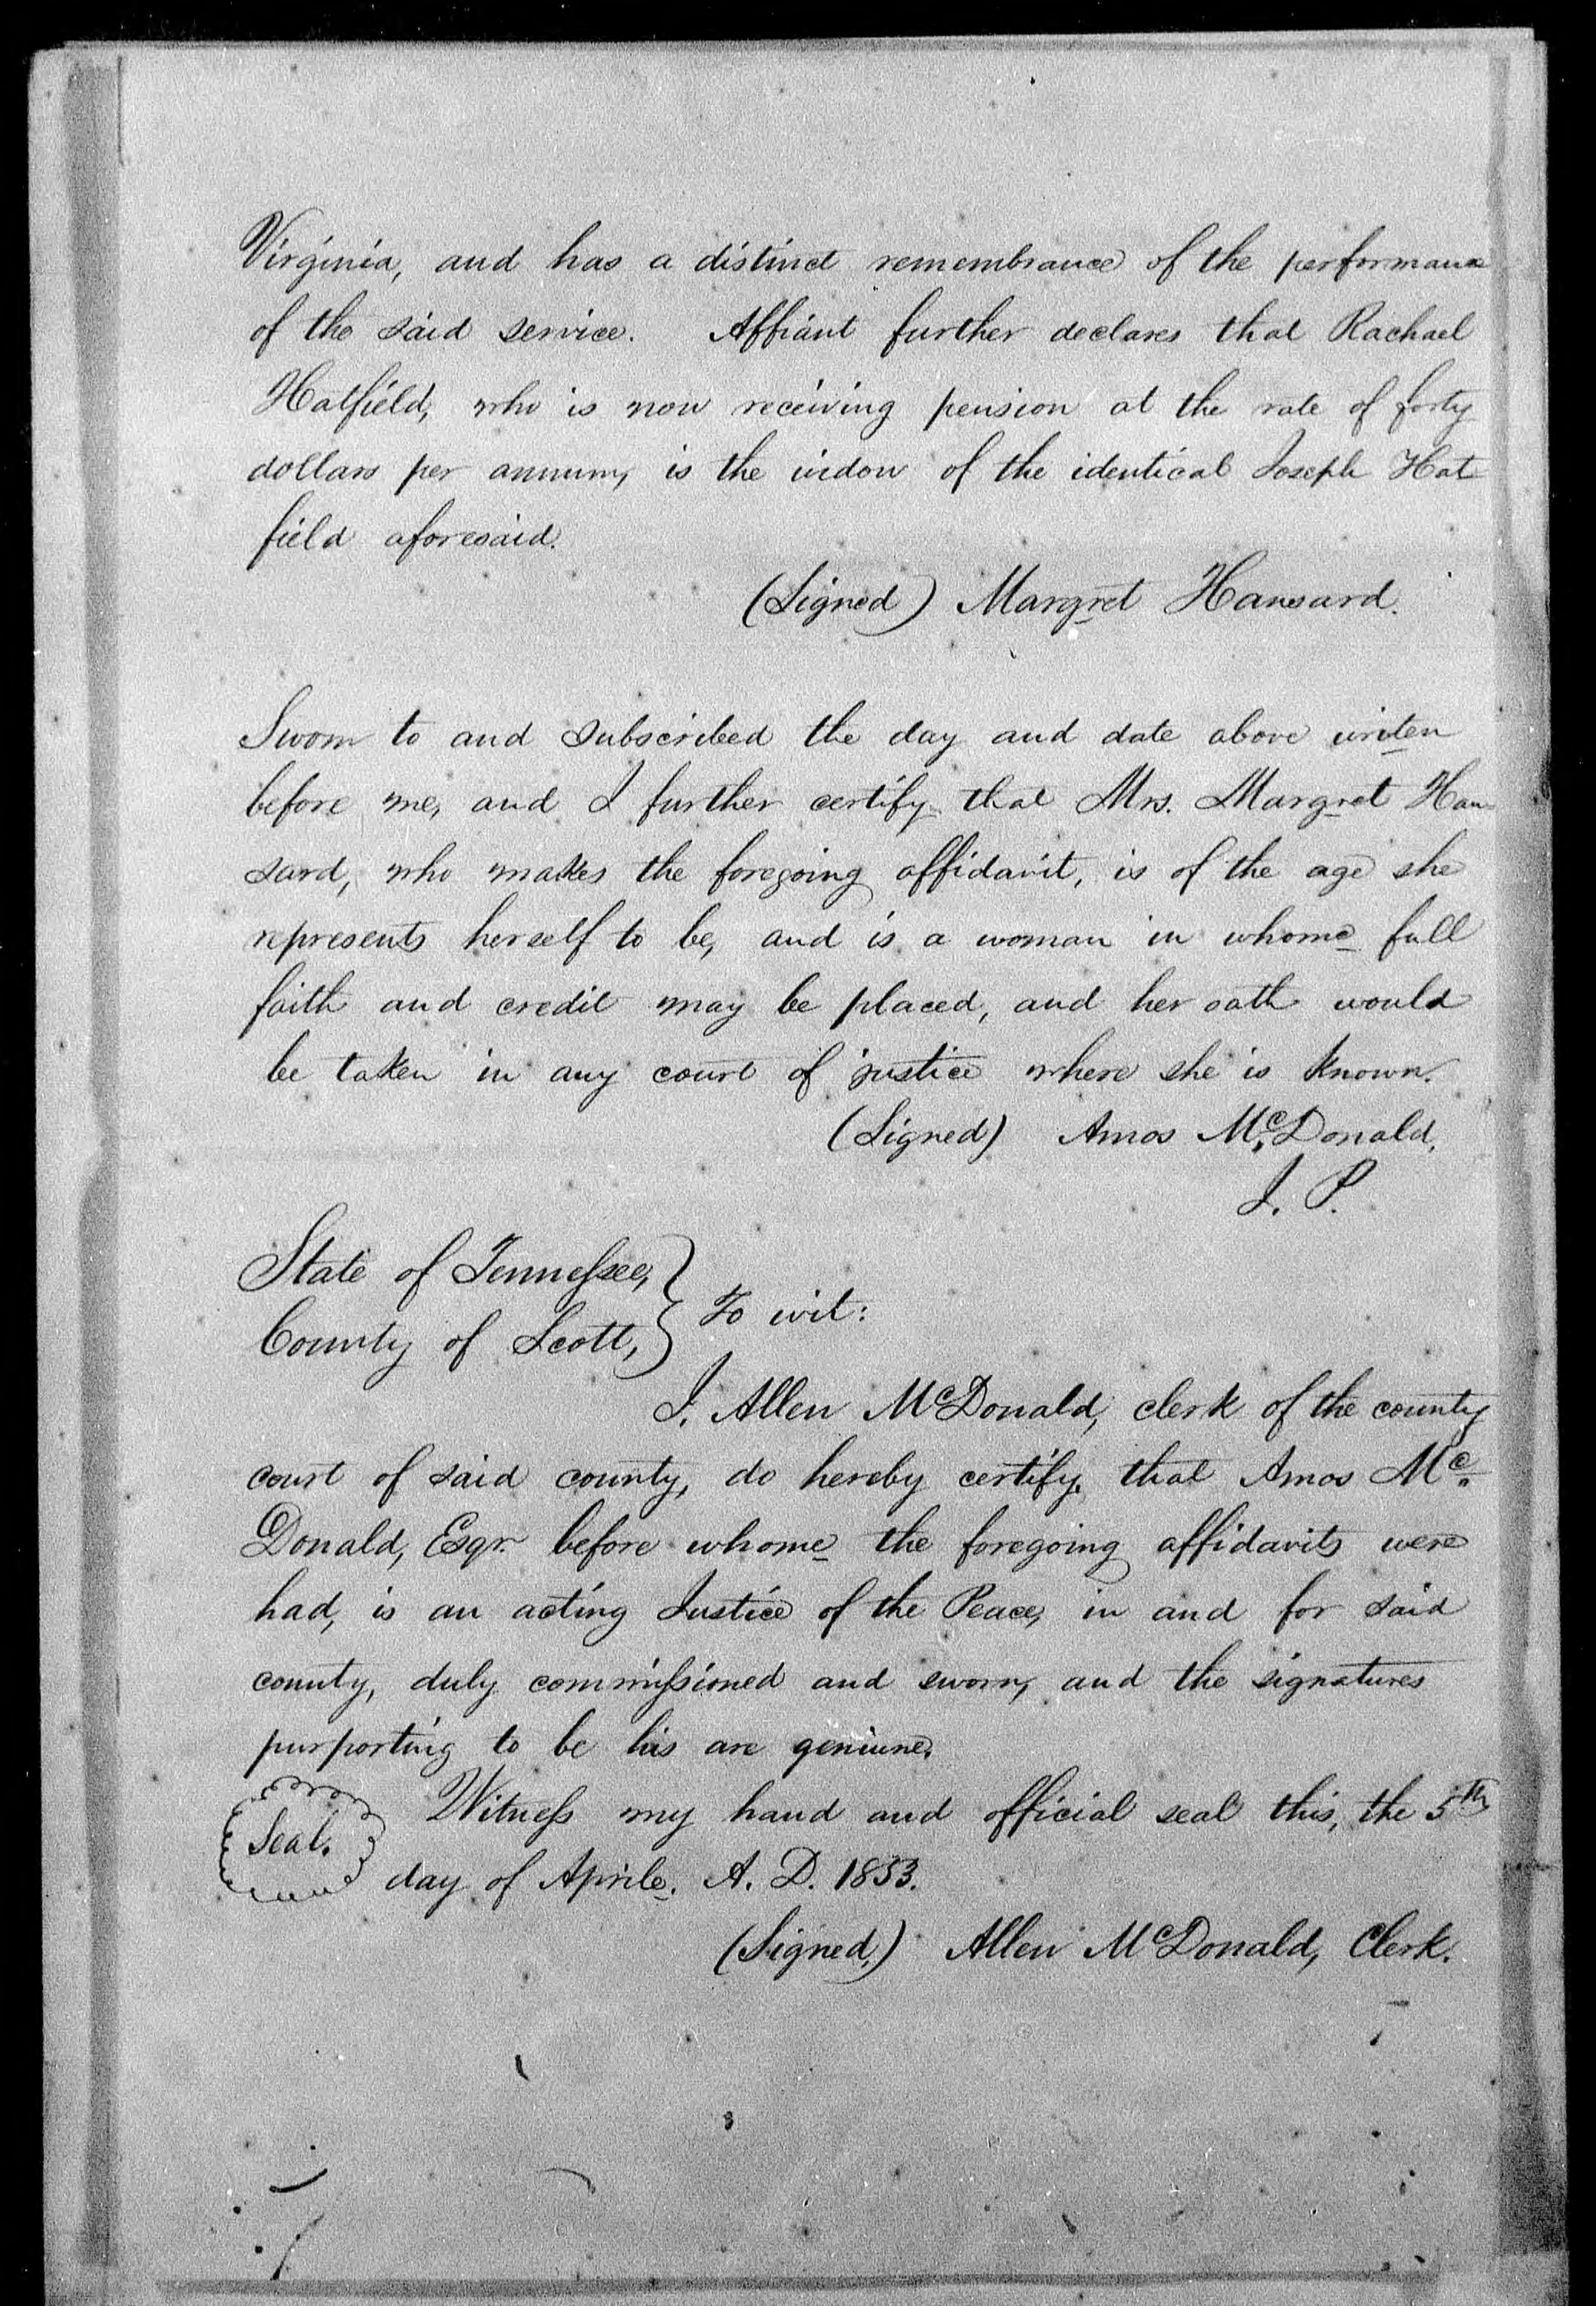Virginia, and has a distinct remembrance of the performance of the said service. Affiant further declares that Rachel Hatfield, who is now receiving pension at the rate of forty dollars per annum, is the widow of the identical Joseph Hatfield aforesaid
(Signed) Margret Hansard.

Sworn to and subscribed the day and date above written before me, and I further certify that Mrs. Margret Hansard, who makes the foregoing affidavit, is of the age she represents herself to be, and is a woman in whome full faith and credit may be placed, and her oath would be taken in any court of justice where she is known.
(Signed) Amos McDonald
J.P.

State of Tennesee}
County of Scott} To Wit:
I, Allen McDonald, clerk of the county
court of said county, do hereby certify, that Amos McDonald, Esqr. before whome the foregoing affidavits were had, is an acting Justice of the Peace, in and for said county, duly commissioned and sworn, and the signatures purporting to be his are genuine.
{Seal.} Witness my hand and official seal this the 5th day of April, A.D. 1853
(Signed) Allen McDonald, Clerk.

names: Allen Mc Donald, Amos Mc Donald, Margret Hansard, Margret Hansard, Rachael Hatfield, Allen Mc Donald, Amos Mc Donald, Joseph Hatfield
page: 44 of 74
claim: widow's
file: W. 5, Joseph Hatfield, Va.